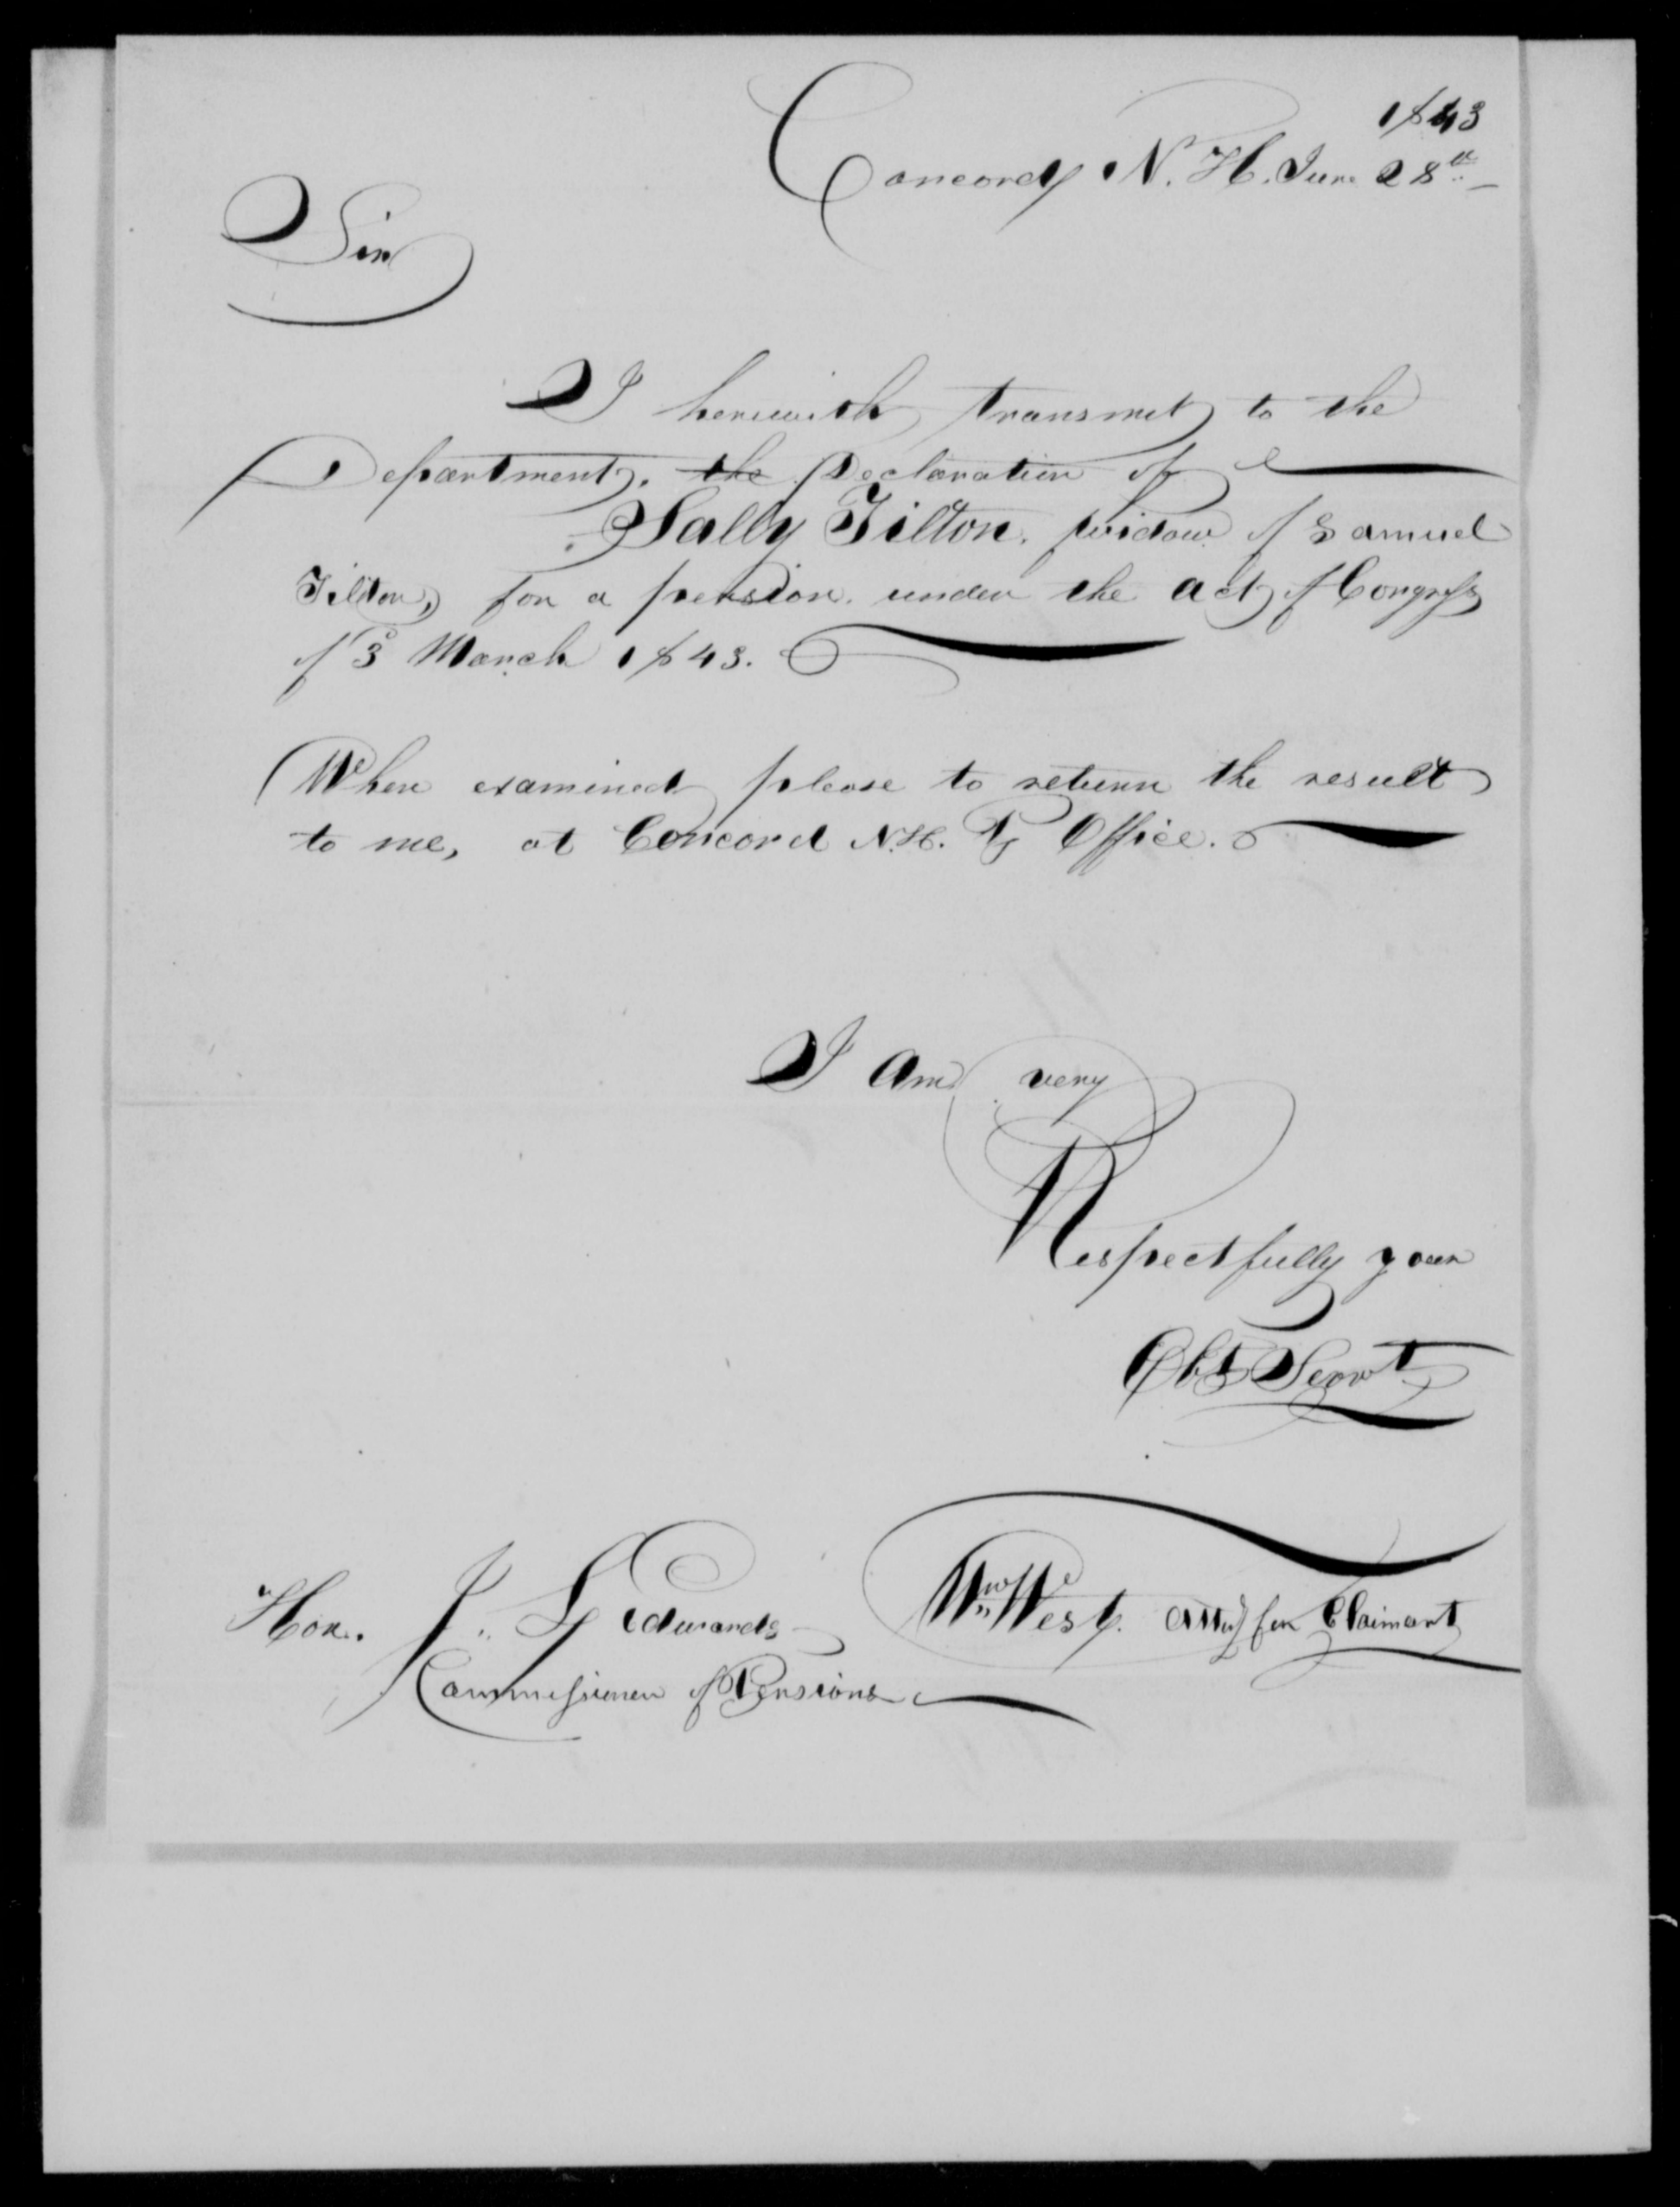Concord N. H. June 28th 1843
Sir
I herewith transmit to the Department, the Declaration of
Sally Tilton, widow of Samuel Tilton for a pension under the act of Congress of 3d March 1843.
When examined please to return the result to me, at Concord N.H. P Office.

I am very
Respectfully your
Obt Servt [Obedient Servant]
Wm West Atty of Claimant

Hon J. L. Edwards
Commissioner of Pensions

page: 31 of 55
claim: widow's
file: W. 14,021, for Samuel Tilton, New Hampshire